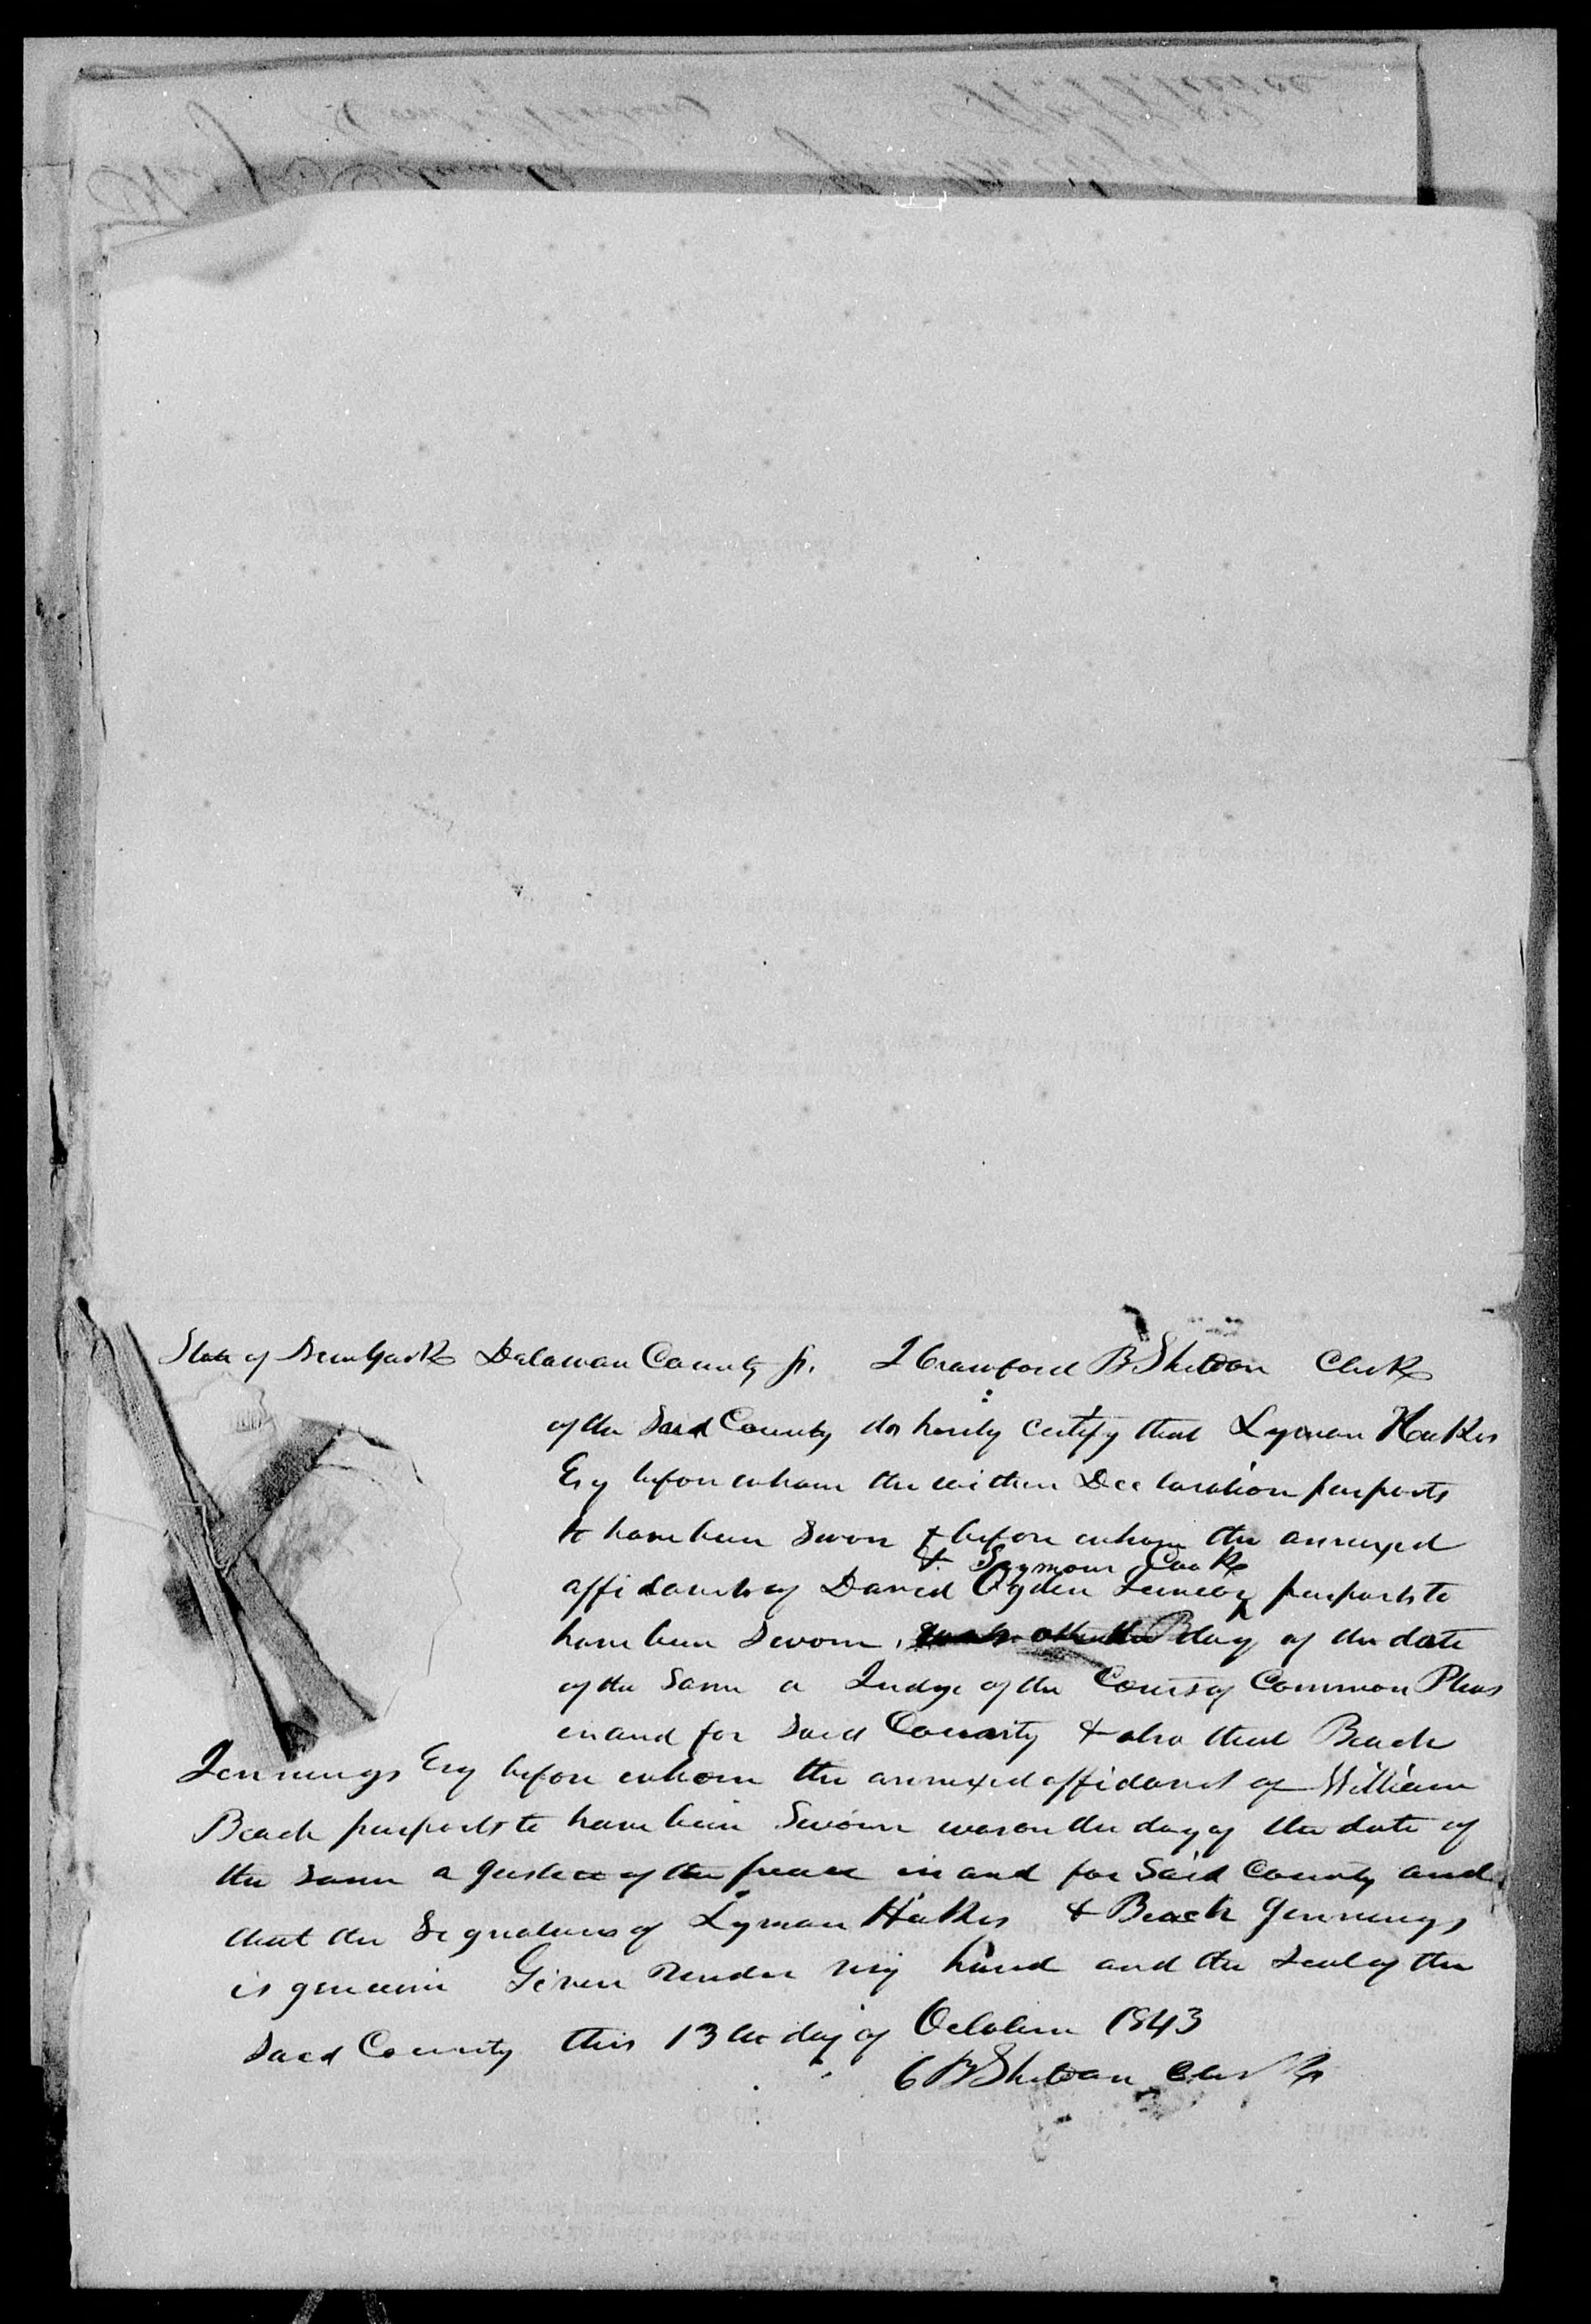[Round seal stamped over ribbons and a round paper with serrated edges]

State of New York Delaware County Ss.  I Crawford B. Sheldon Clerk
of the said County do hereby certify that Lyman Hakes
Esq before whom the within Declaration purports
to have been sworn & before whom the annexed
affidavit of David Ogden Junior (^and Seymour Cooke) purports to
have been sworn, & was attested day of the date
of the same a Judge of the Court of Common Pleas
in and for said County & also that Beach
Jennings Esq before whom the annexed affidavit of William
Beach purports to have been sworn was on the day of the date of
the same a Justice of the peace in and for Said County and 
that the Signatures of Lyman Harkes & Beach Jennings
is genuine Given under my hand and the seal of the
said County this 13th day of October 1843
C B Sheldon Clerk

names: William Beach; David Ogden; Crawford B Sheldon; Lyman Hakes; Beach Jennings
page: 12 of 40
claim: widow's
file: W. 24364, for David Ogden, New York